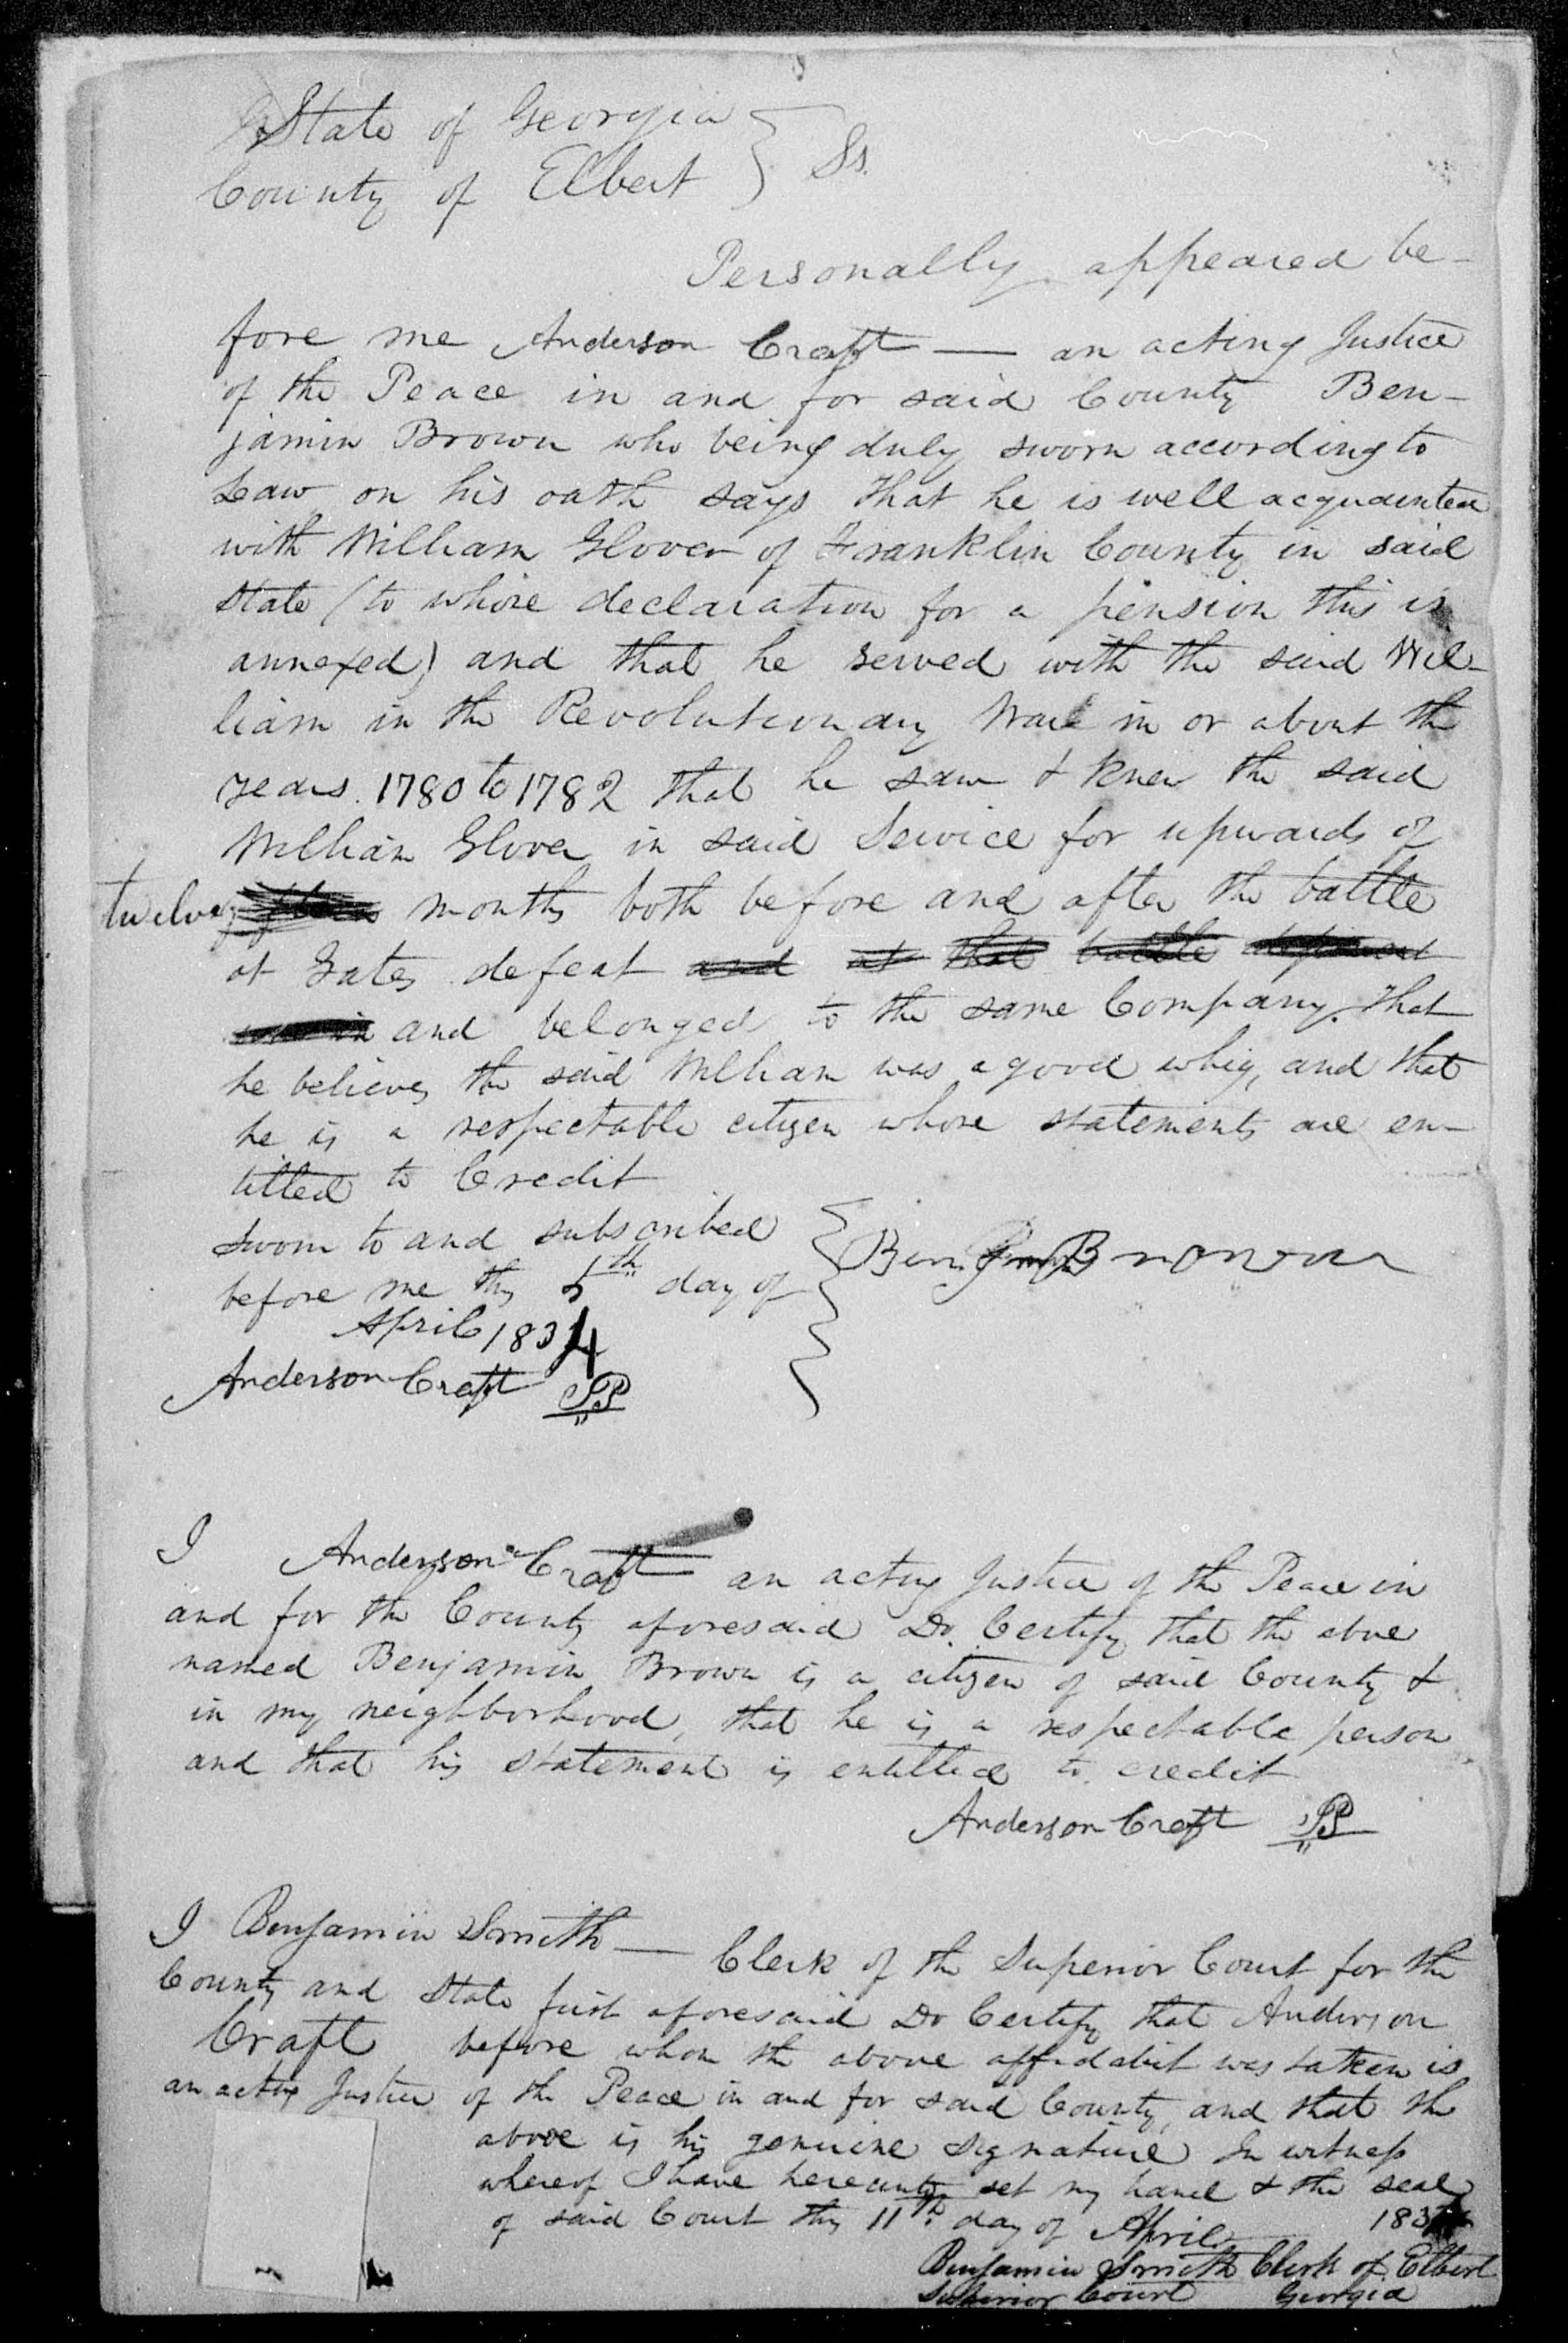State of Georgia
County of Elbert
Sr
Personally appeared before me Anderson Craft - an acting Justice of the Peace in and for said County Benjamin Brown who being duly sworn according to Law on his oath says that he is well acquainted with William Glover of Franklin County in said State (to whose declaration for a pension this is annexed) and that he served with the said Willliam in the Revolutionary ware in or about the years 1780 to 1782 that he saw & knew the said William Glover in said service for upwards of twelve months both before and after the battle of Gates defeat and belonged to the same Company. That he believes the said William was a good whig, and that he is a respectable citizen whose statements are entitled to Credit
-
Sworn to and subscribed
before me this 5th
April 1834
day of
Ben Brown
Anderson Craft
⎬ SS.

I Anderson Craft an acting Justice of the Peace in and for the County aforesaid Do Certify that there named Benjamin Brown is a citizen of said County & in my neighborhood, that he is a respectable person and that his statement is entitled to credit
Anderson Croft

I Benjamin Smith - Clerk of the Superior Court for the County and State first aforesaid Do Certify that Anderson Craft before whom the above affidavit was taken is an acting Justice of the Peace in and for said County and that the
above is his genuine signature In witness
whereof I have hereunto set my hand & the seal
of said Court this 11th day of April 1834
Superior Court

Benjamin Smilt Clerk of Ethbert
Superior Court Georgia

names: Benjamin Brown, Anderson Craft, Benjamin Smith, Anderson Craft, Anderson Craft, Anderson Craft, Benjamin Smith, Benjamin Brown, William Glover, Anderson Craft, William, William Glover, Benjm Brown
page: 42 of 51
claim: widow's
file: W. 929, William Glover, N.C.